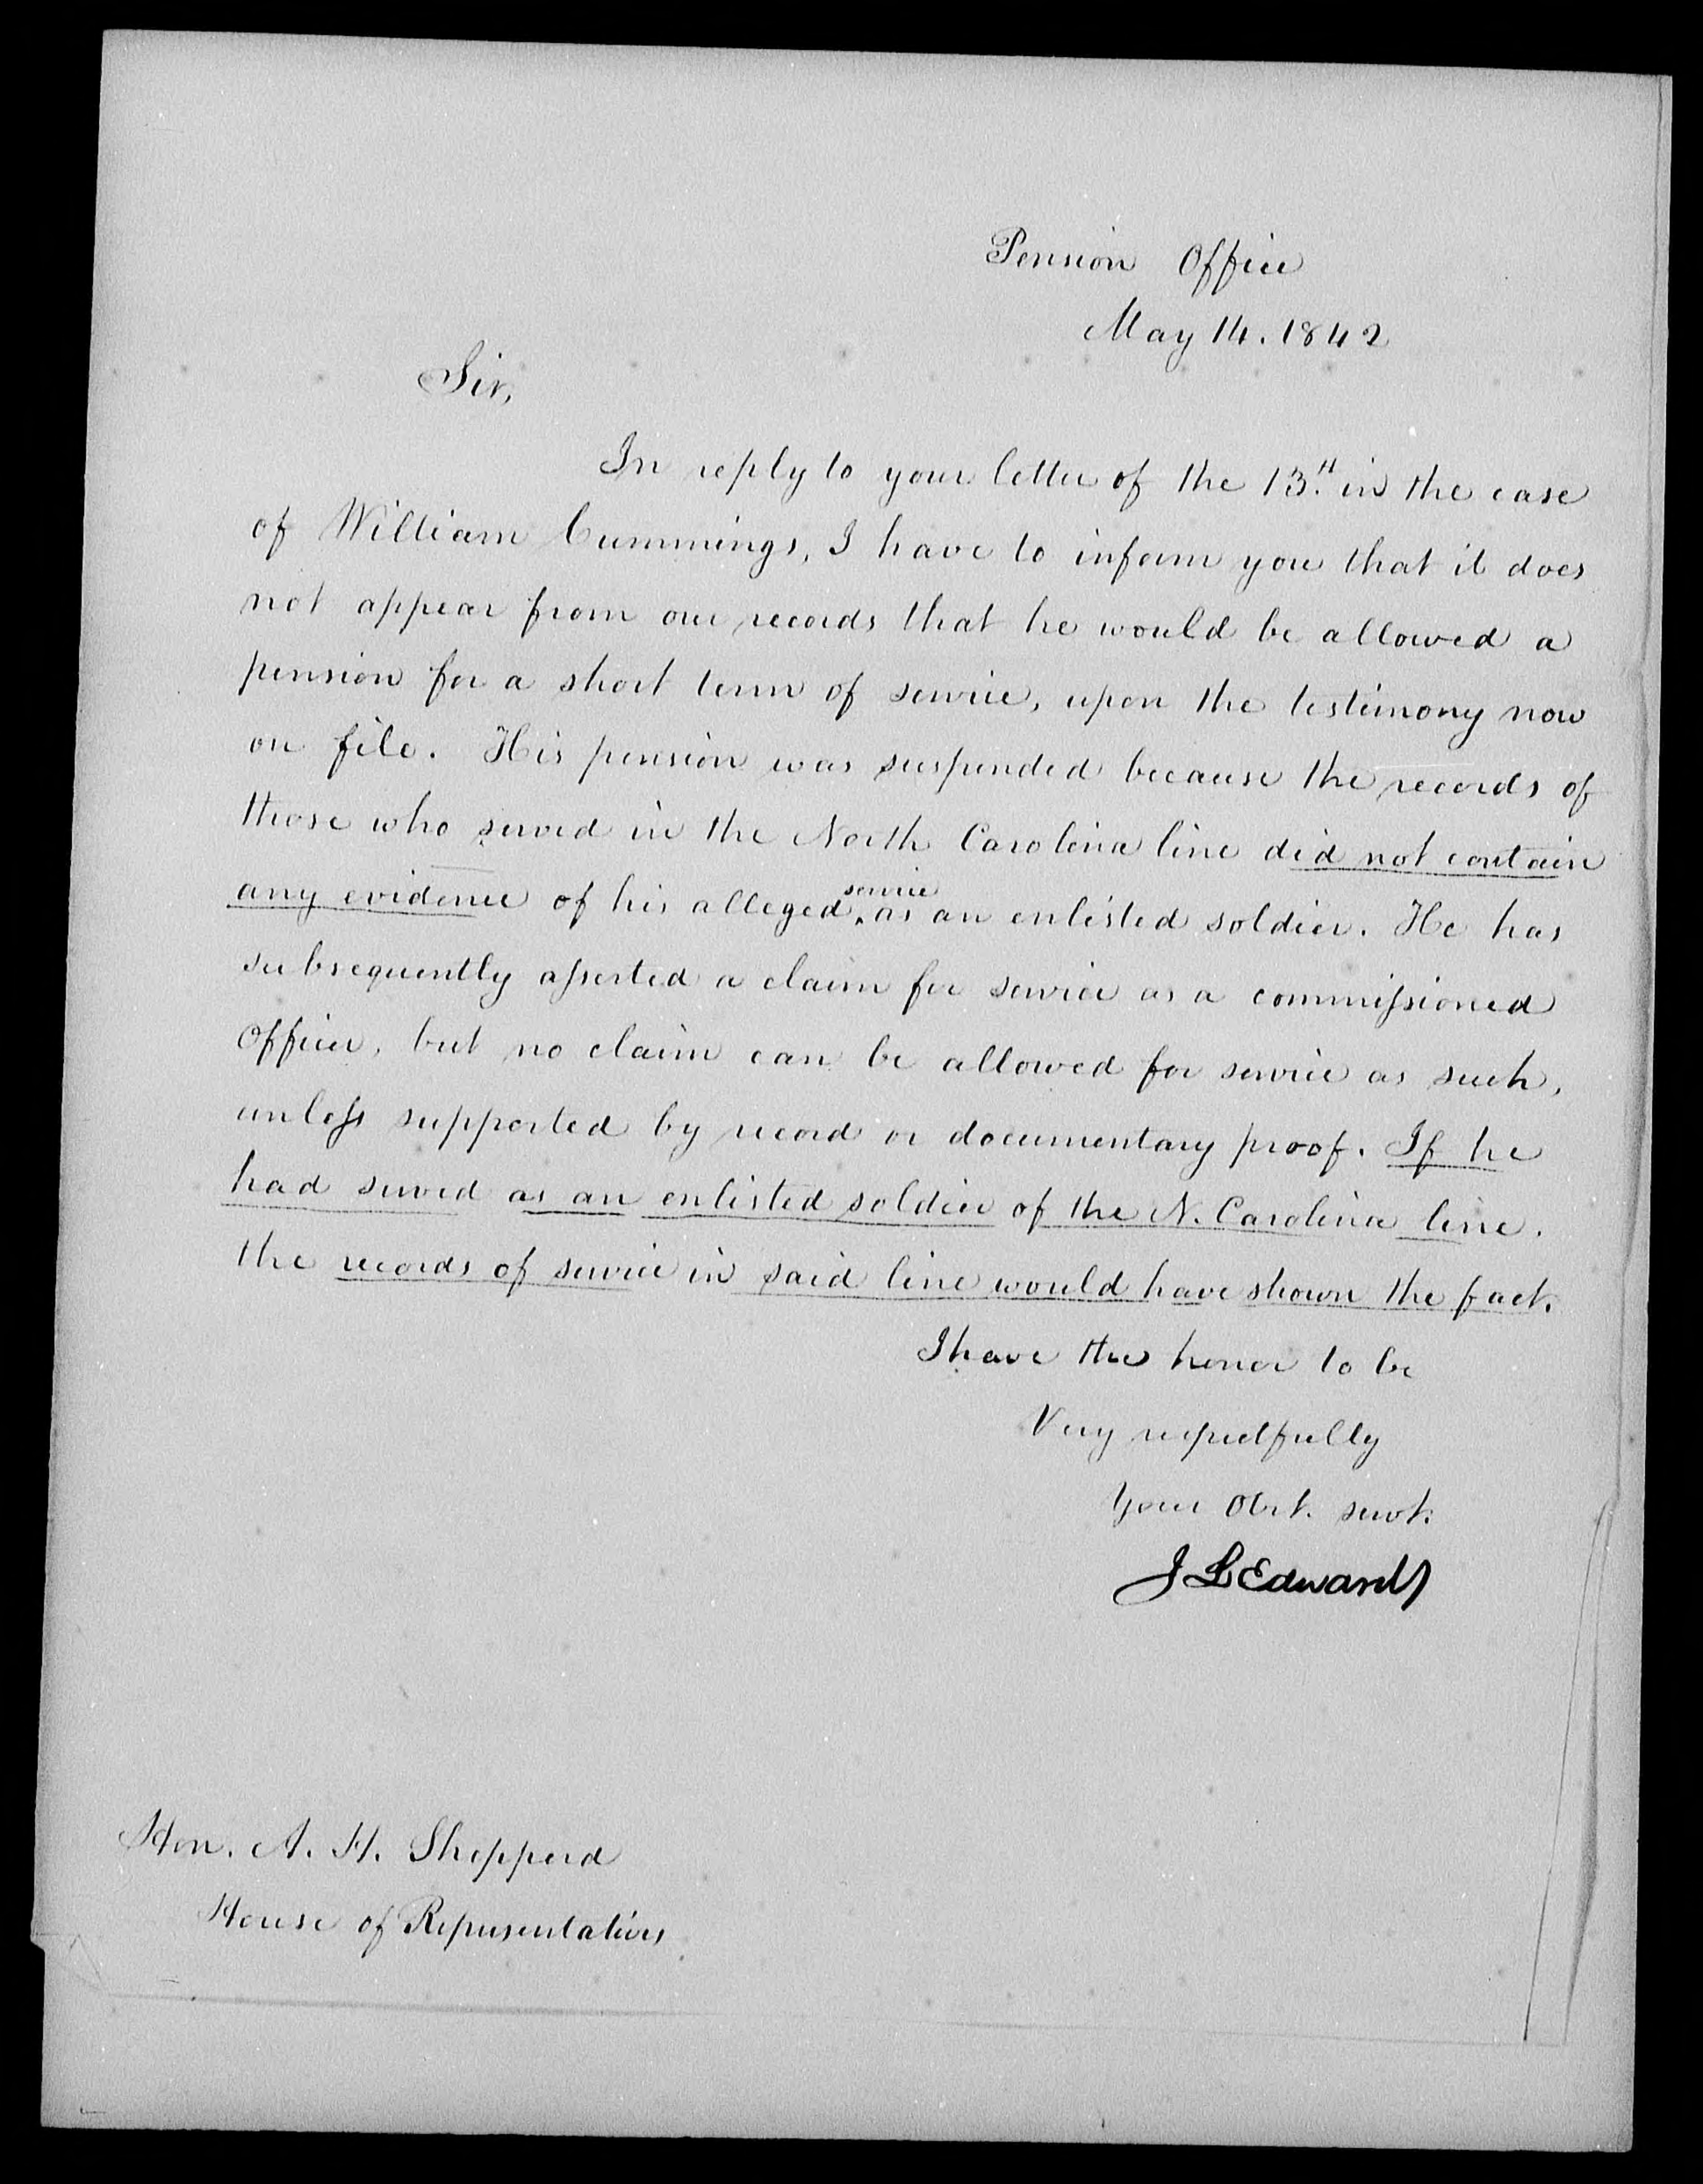[Handwritten letter.  Occasional spacing has been included to make the text block easier to read.] 

Pension Office
May 14, 1842

Sir,

In reply to your letter of the 13th [apparently meaning May 13, 1842] in the case of William Cummings, I have to inform you that it does not appear from our records that he would be allowed a pension for a short term of service, upon the testimony now on file.  His pension was suspended because the records of those who served in the North Carolina line [here the next five words are underlined] did not contain any evidence of his alleged ^service as an enlisted soldier.  

He has subsequently asserted a claim for service as a commissioned Officer, but no claim can be allowed for service as such, unless supported by record or documentary proof.  [Here the next 13 words are underlined] If he had served as an enlisted soldier of the N. Carolina line. the [here the next three words are underlined] records of service in [here, the rest of the sentence is underlined:] said line would have shown the fact.

I have the honor to be 
Very respectfully
Your obt. servt. [Your obedient servant.]
J L Edwards

Hon A. H. Shepperd
House of Representatives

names: J L Edwards, William Cummings, A H Shepperd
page: 64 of 145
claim: survivor's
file: S. 8265, William Cumming, N.C.